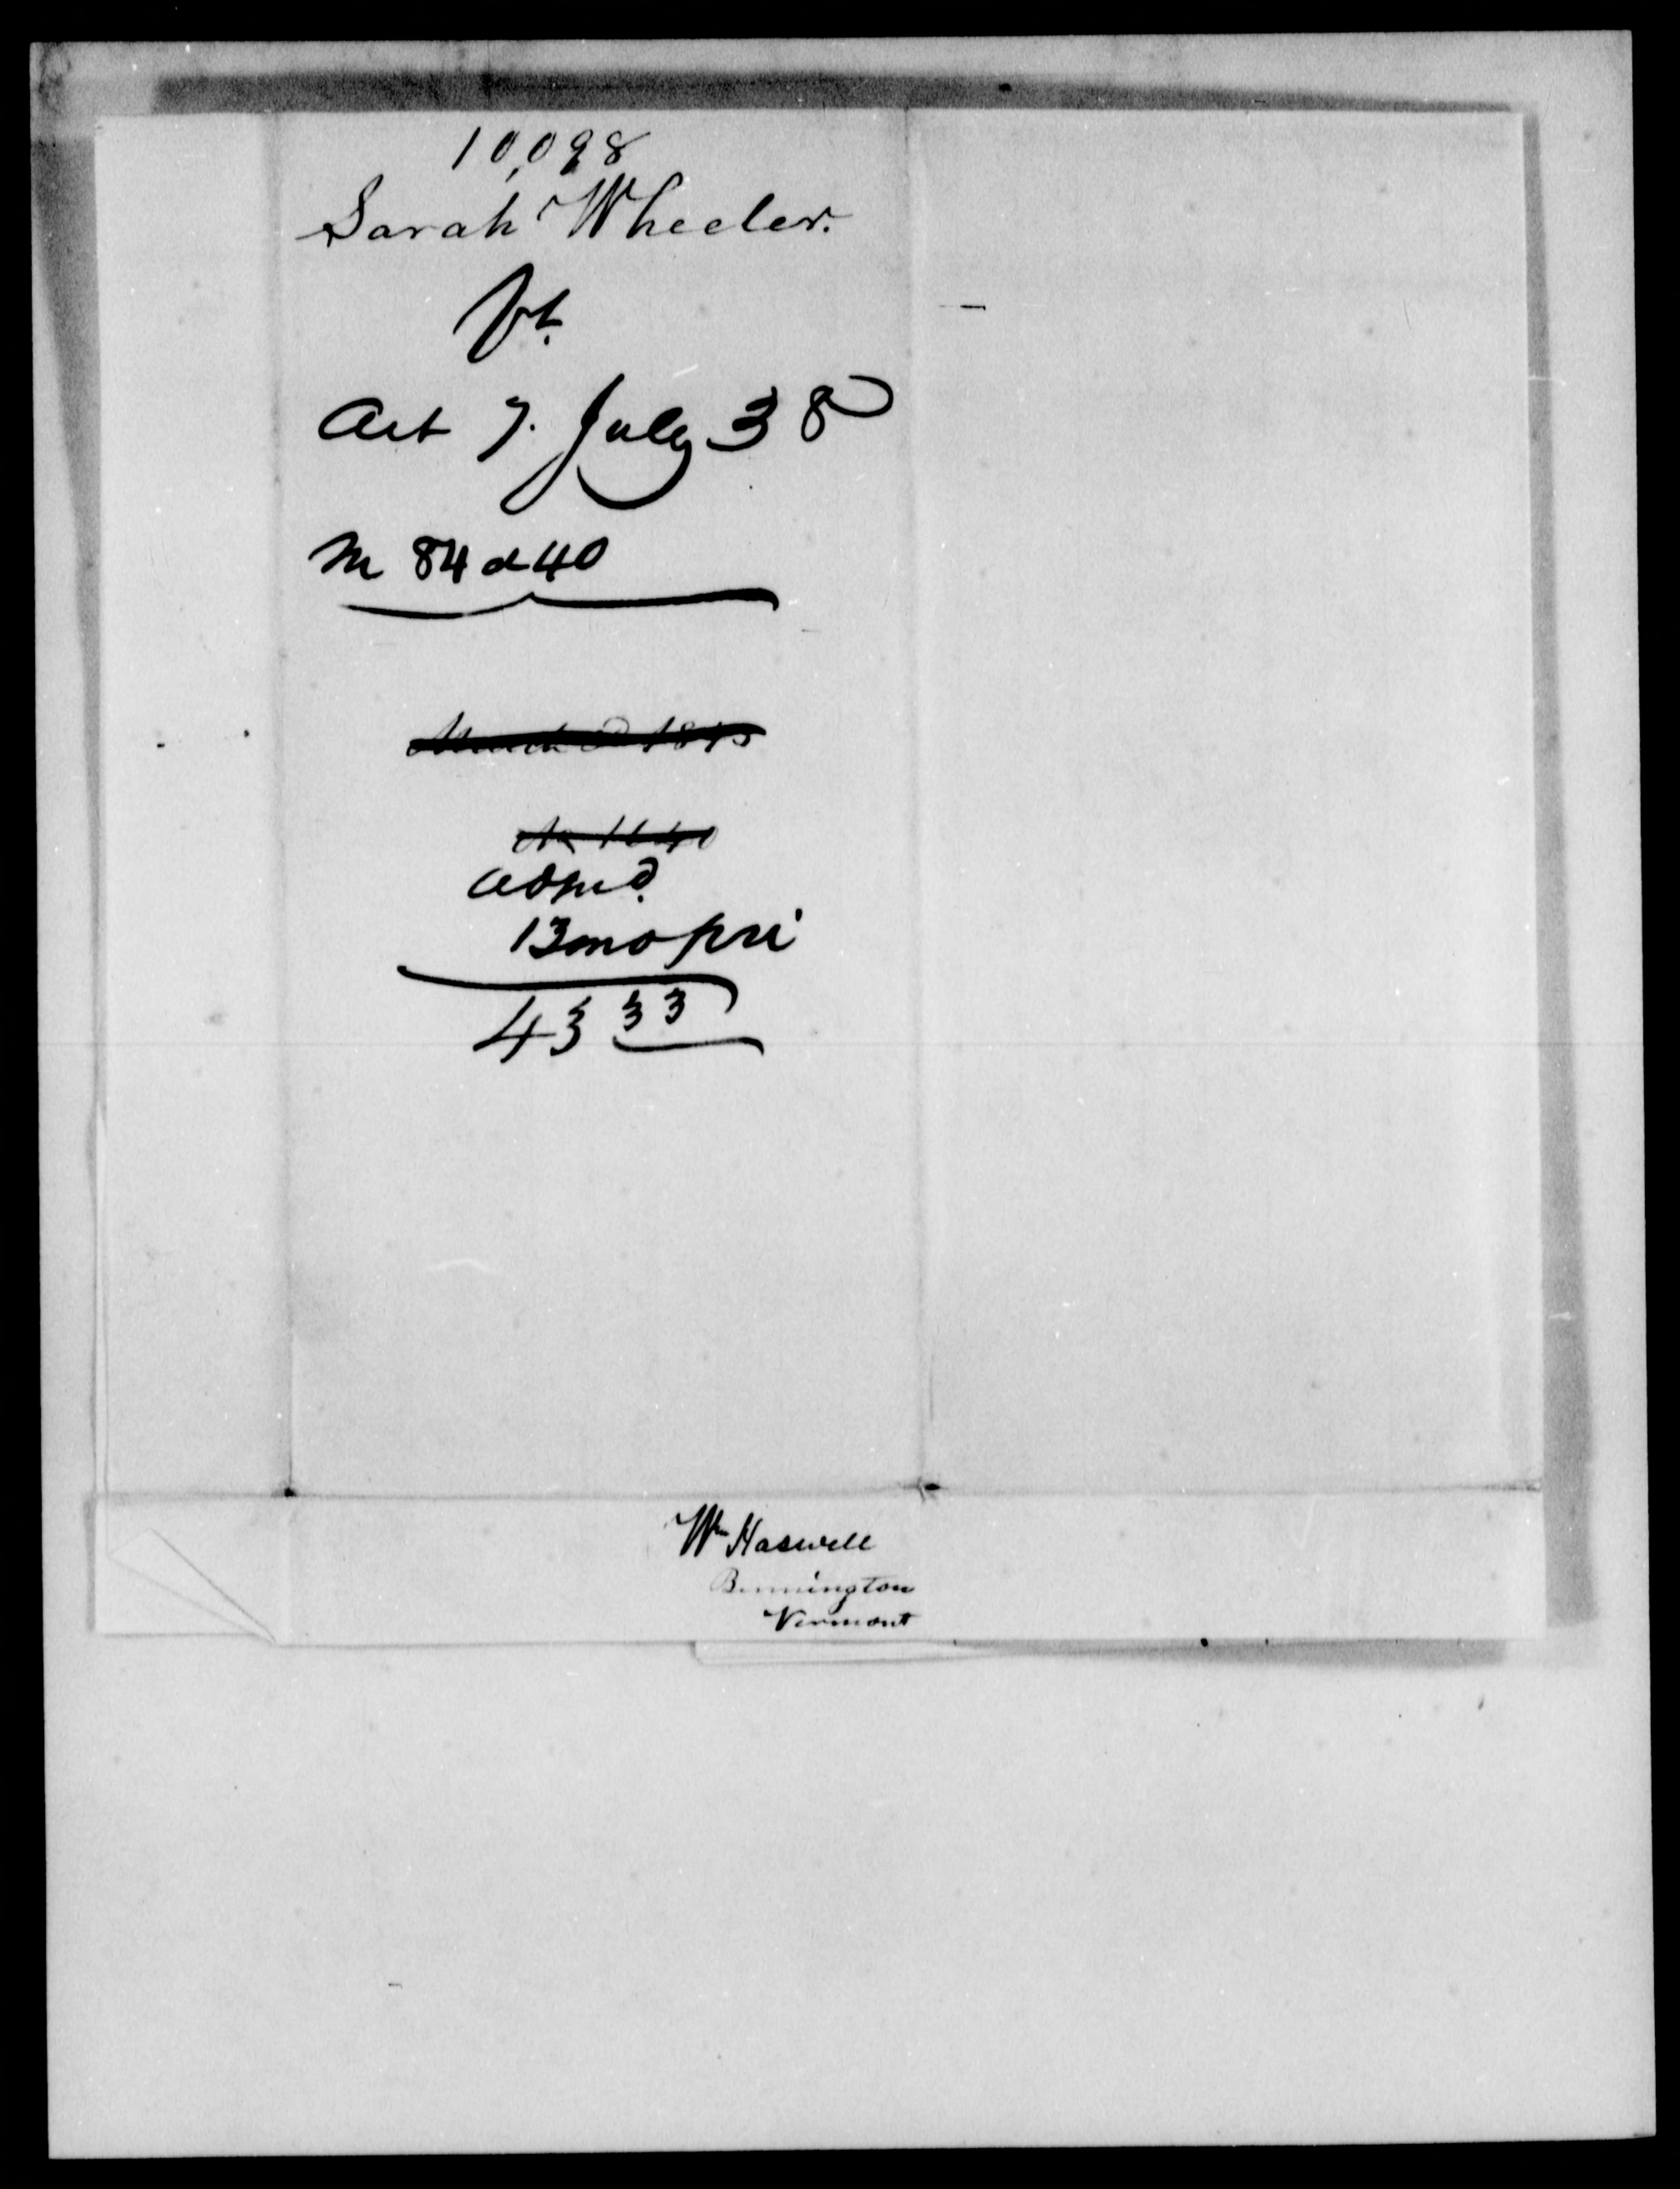10098
Sarah Wheeler
Vt.
Act 7 July 38
M 84 & 40
admd
13 mo pri
43 33
W Haswell
Bennington
Vermont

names: Sarah Wheeler, W Haswell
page: 15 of 29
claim: widow's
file: W. 22604, Prosper Wheeler, Conn.